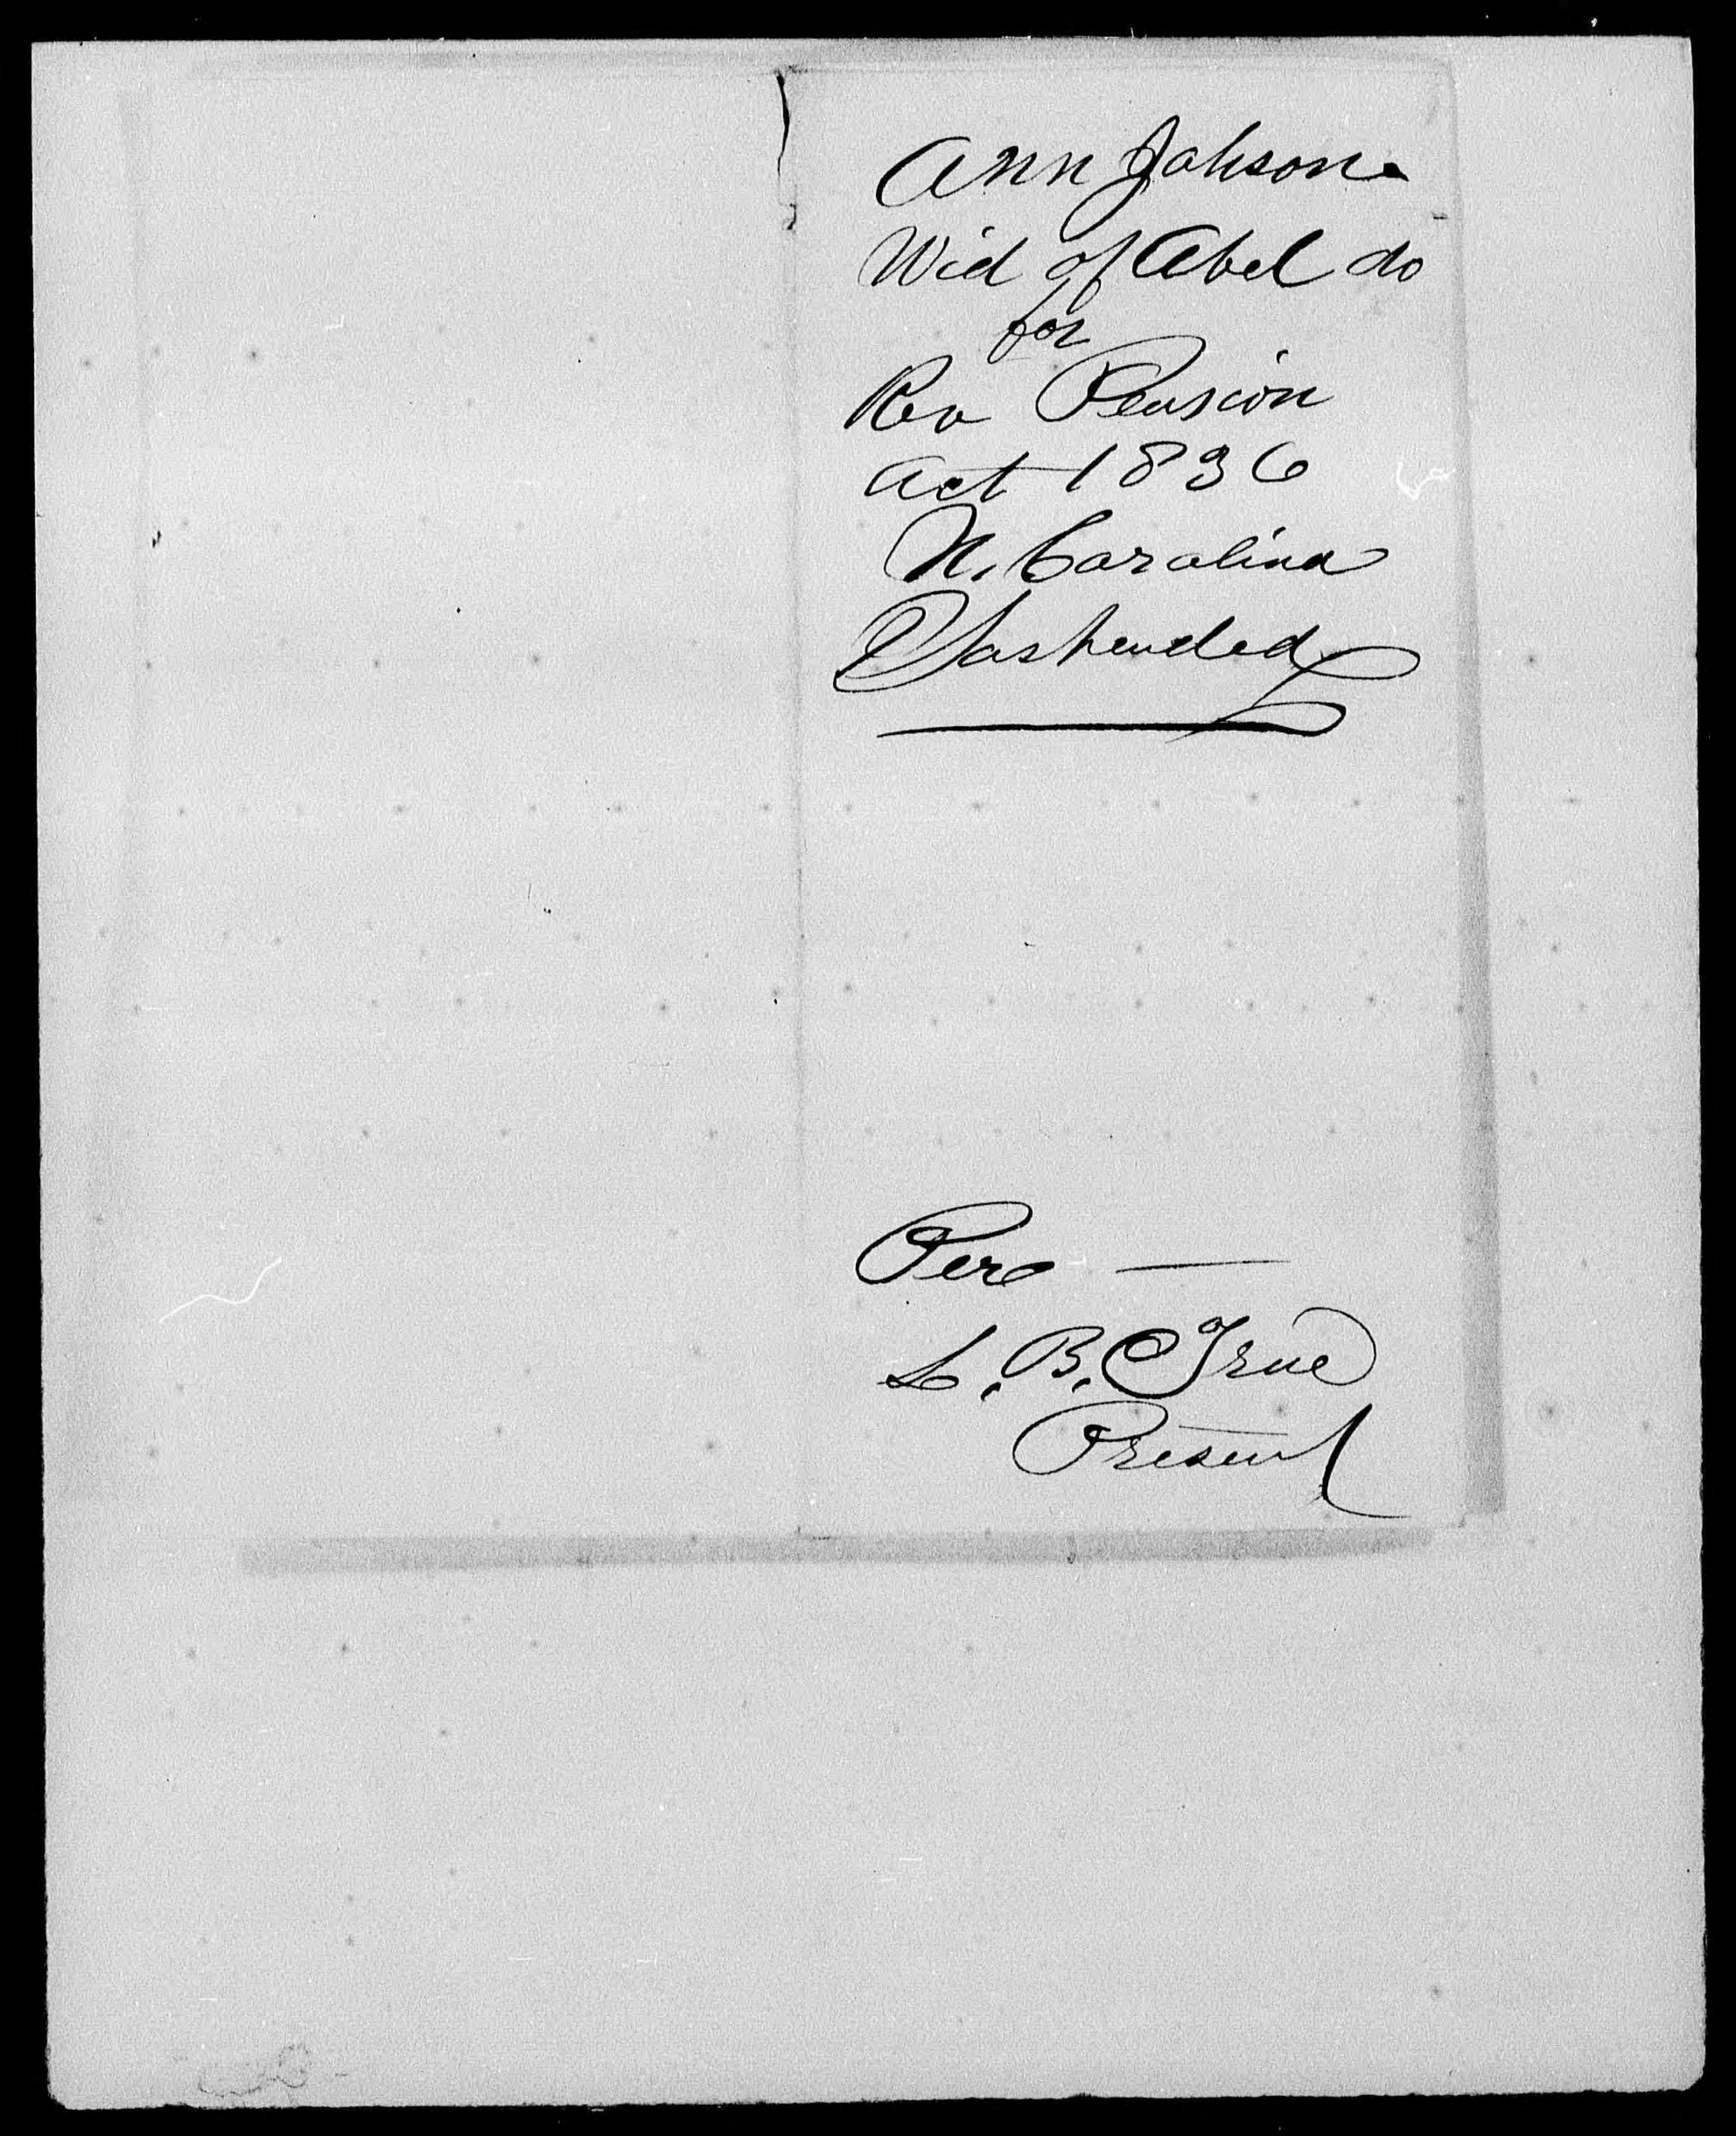Ann Johnson 
Widow of Abel dead
For Revolutionary Pension 
Act 1836 
North Carolina 
Suspended

Per 
L. B. Price 
Present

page: 65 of 74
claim: rejected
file: R. 5600, for Abel Johnson, North Carolina